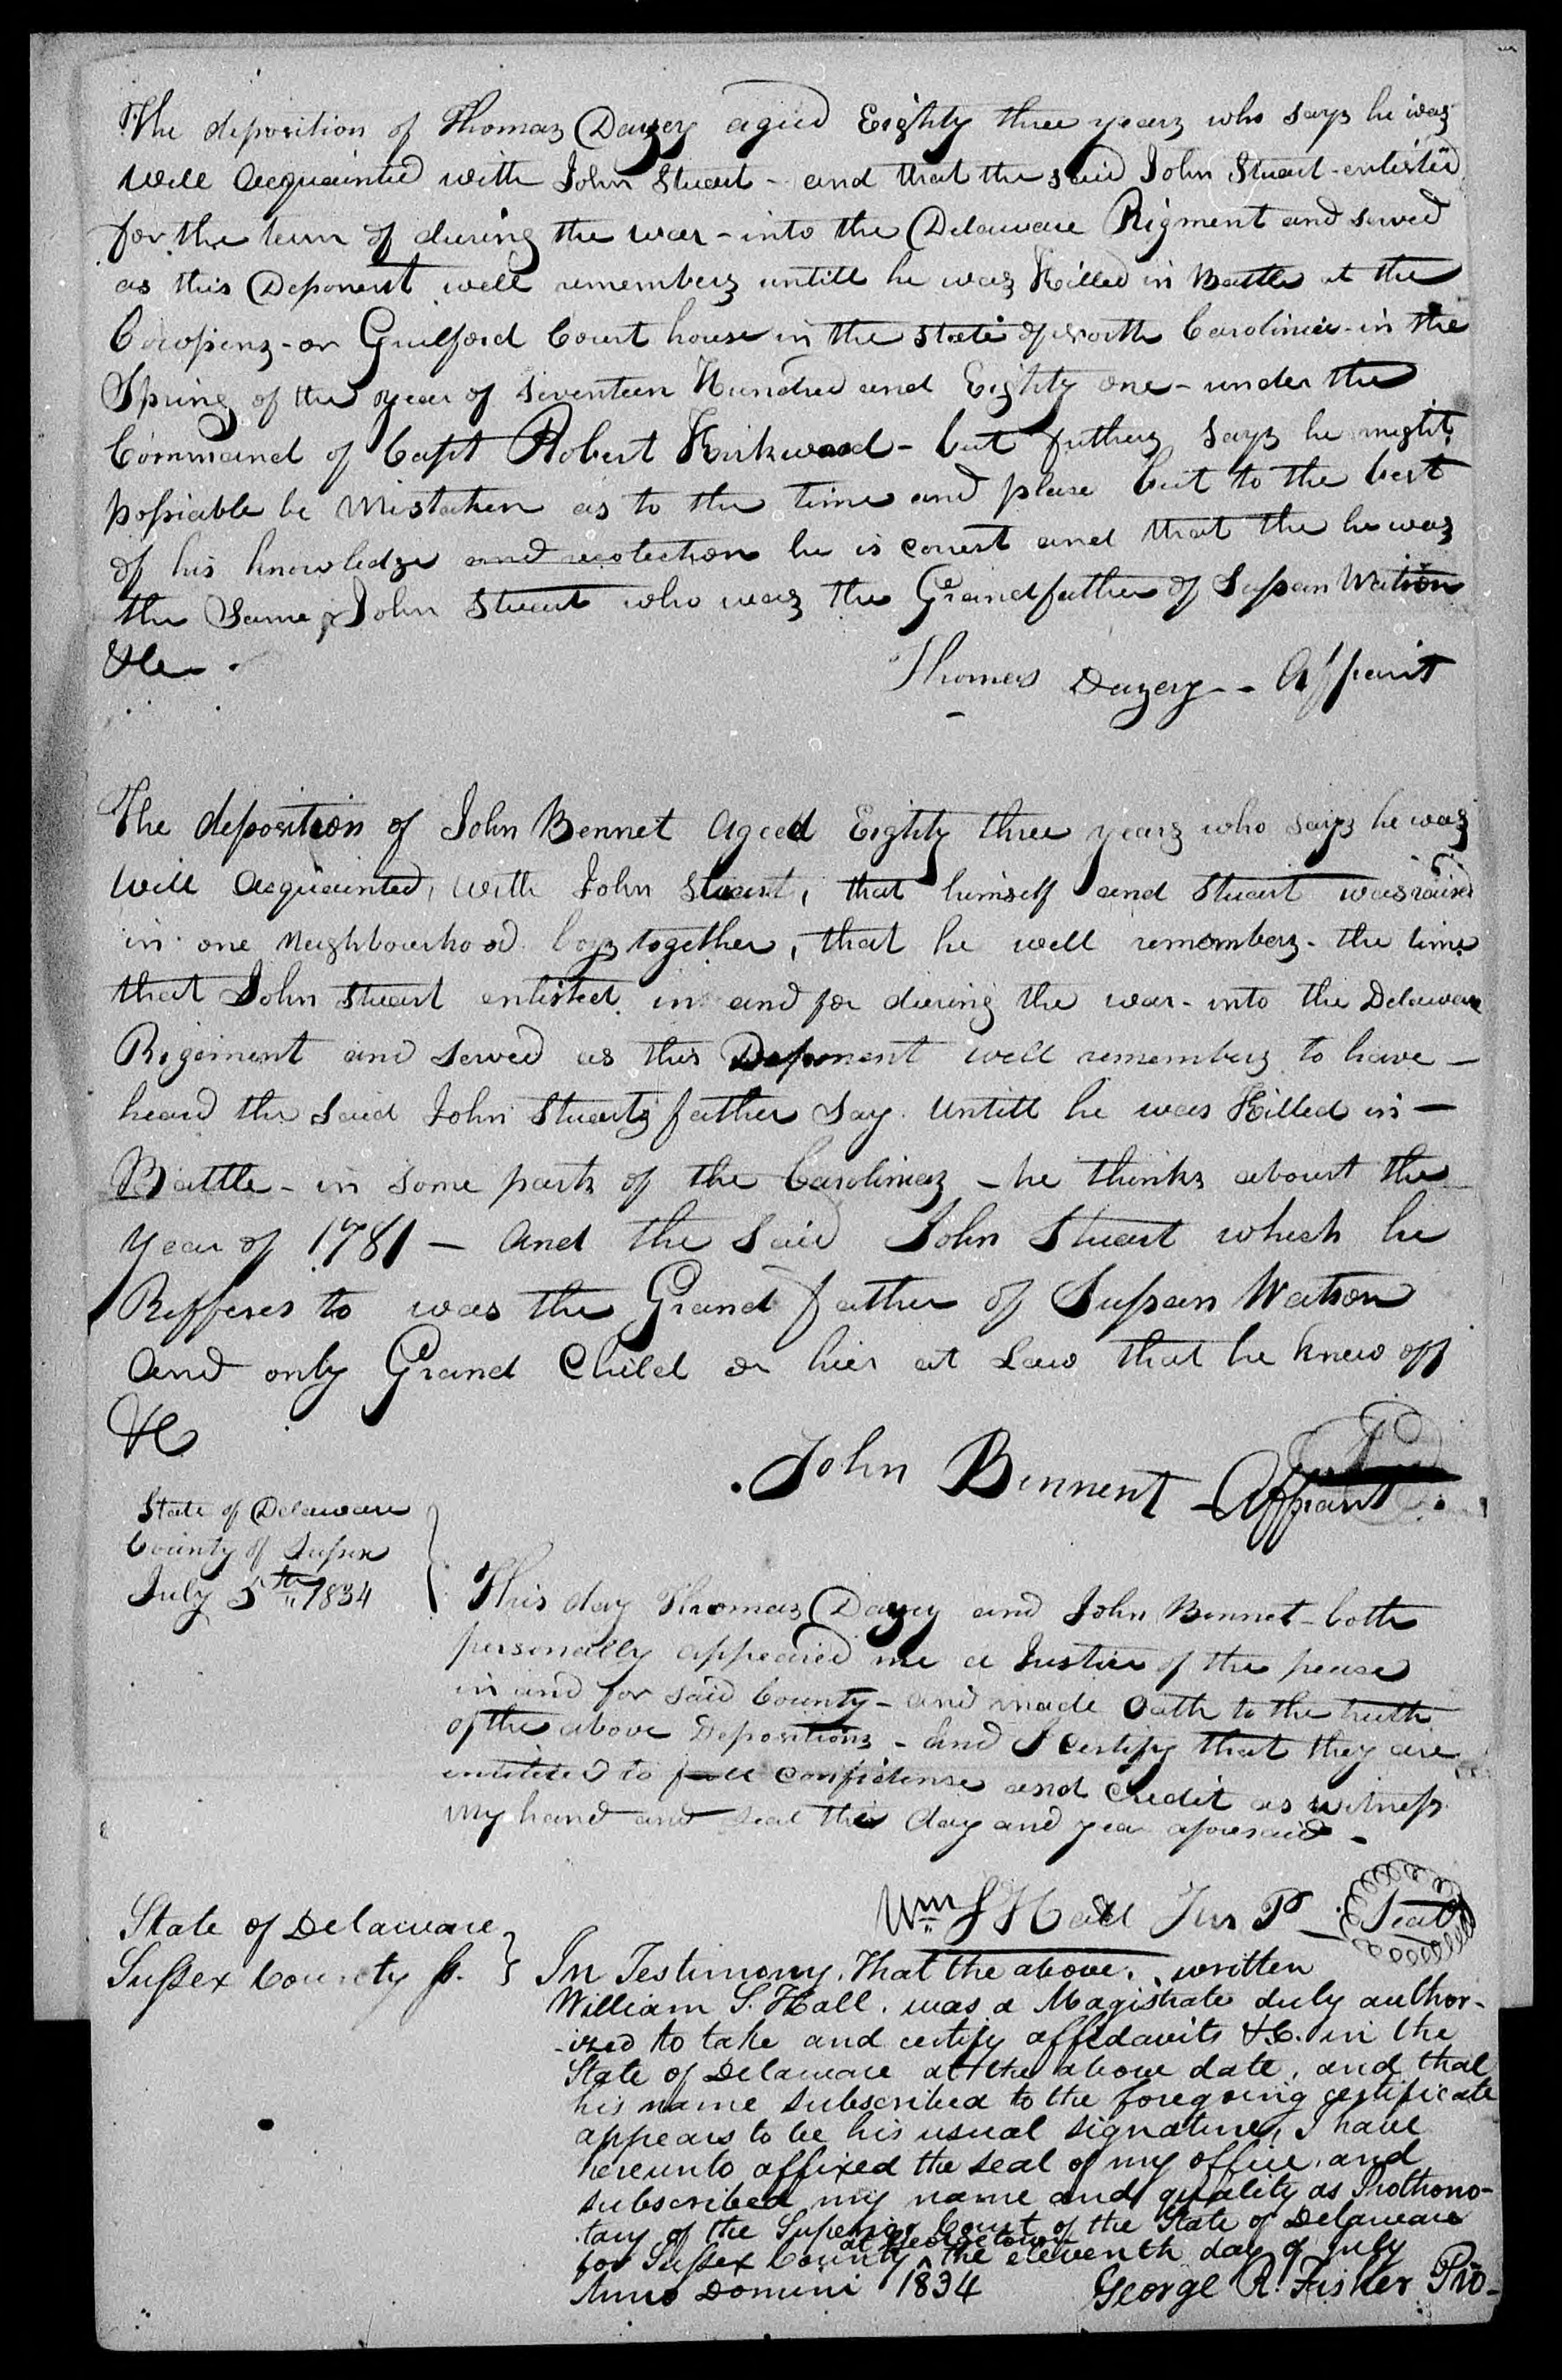The deposition of Thomas Dazey aged Eighty three years who says he was well acquainted with John Stuart - and that the said John Stuart enlisted for the term of during the war - into the Delaware Rigment [Regiment] and served as this Deponent well remembers untill he was killed in Battle at the Cowpens or Guilford Court house in the State of North Carolina in the Spring of the year of Seventeen hundred and Eighty one - under the Command of Capt Robert Kirkwood-- but further says he mighty possible be mistaken as to the time and place but to the best of his knowledge and recolection [recollection] he is correct and that the he was the same John Stuart who was the Grandfather of Susan Watson [illegible].
Thomas Dazey - Affiant

The deposition of John Bennet aged Eighty three years who says he was well acquainted with John Stuart, that himself and Stuart was raised in one neighbourhood boys together, that he well remembers the time that John Stuart enlisted in and for during the war to the Delaware Regiment and served as this Deponent well remembers to have - heard
the said John Stuarts father say untill he was killed in - Battle in some parts of the Carolinas - he thinks about the year of 1781 - And the said John Stuart which he Refferes [refers] to was the Grand father of Susan Watson and only Grand Child or heir at Law that he knew off
VC
John Bennent Affiant [illegible-Seal?]

State of Delaware
County of Sussex
July 5th 1834

This day Thomas Dazey and John Bennet both personally appeared me a Justice of the peace
in and for said County - and made oath to the truth of the above Depositions - and I certify that they are entitled to full confidense and credit as witness my hand and seal the day and year aforesaid.

Wm S Hall Jus P Seal [surrounded by a squiggly circle]

State of Delaware
Sussex County ss
In Testimony, that the above written William S. Hall, was a Magistrate duly author-ized to take and certify affidavits &c. in the State of Delaware at the above date, and that his name subscribed to the foregoing certificate appears to be his usual signature, I have hereunto affixed the seal of my office, and subscribed my name and quality as Prothono-tary of the Superior Court of the State of Delaware for Sussex County at Georgetown the eleventh day of July Anno Domini 1834
George R. Fisher Pro.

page: 9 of 9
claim: bounty land warrant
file: B. L. Wt. 2081-100, for John Stuart, Delaware